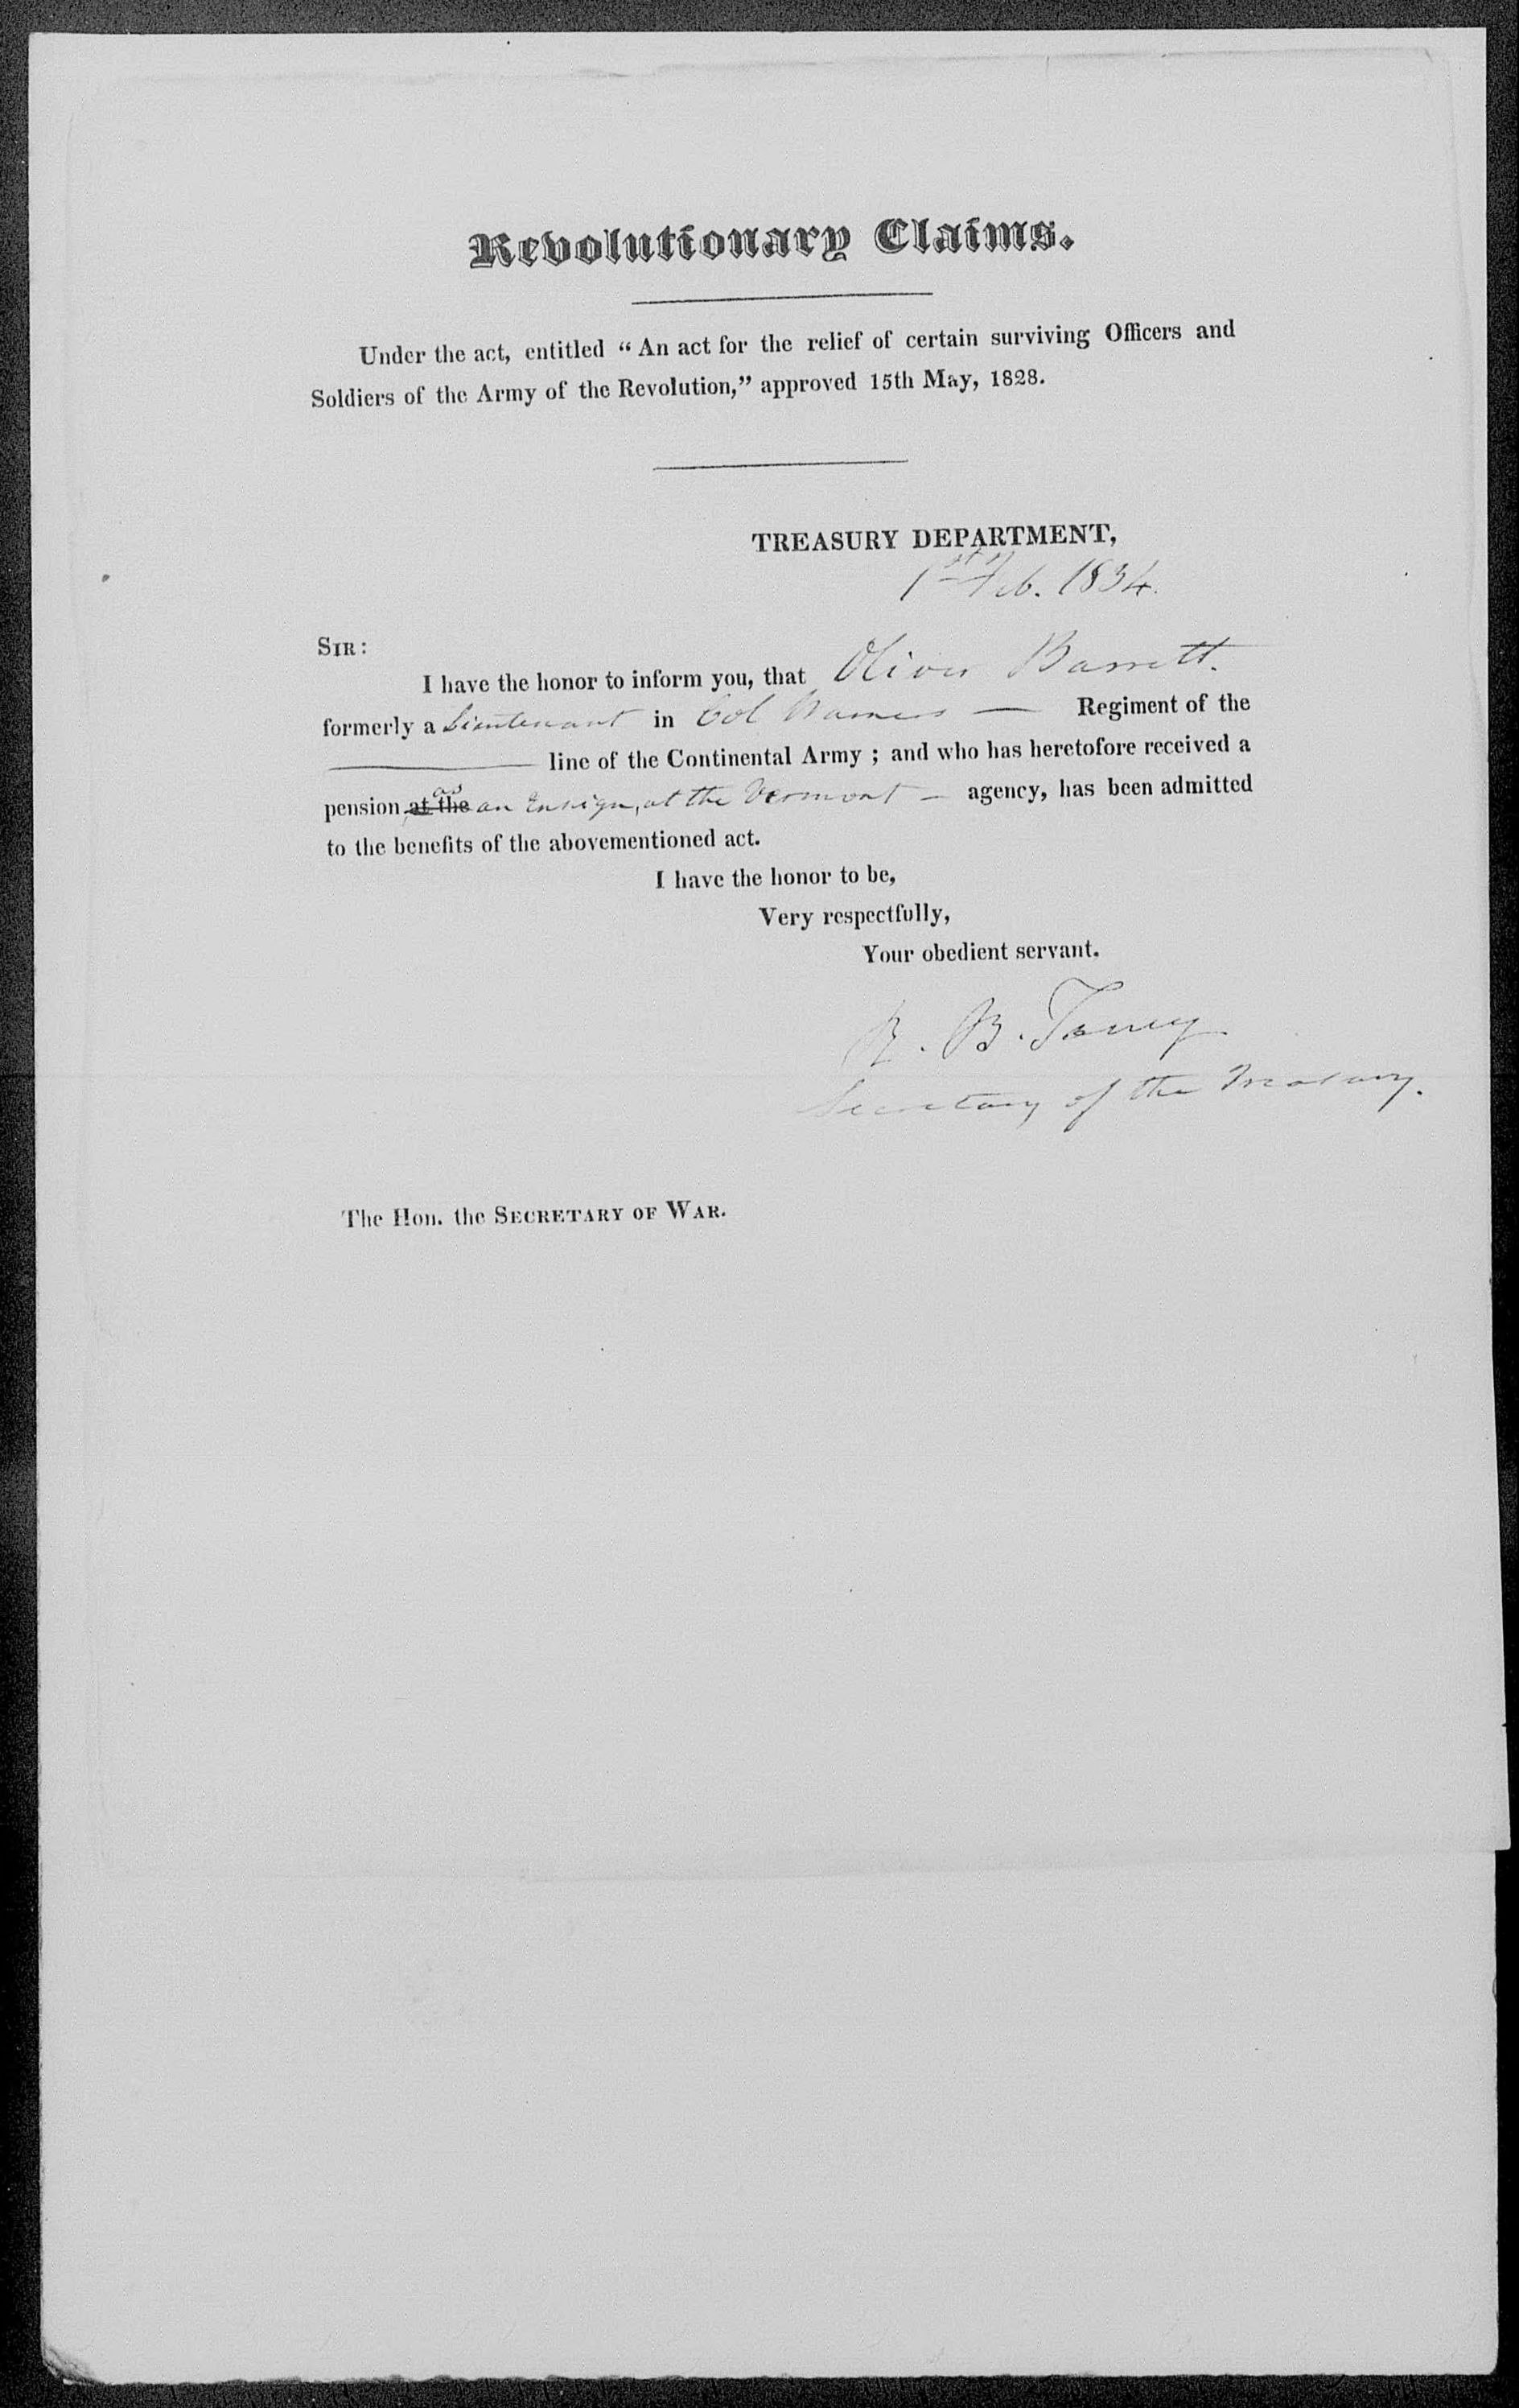Revolutionary Claims, 
Under the act, entitled "An act for the relief of certain surviving Officers and Soldiers of the Army of the Revolution," approved 15th May, 1828.

Treasury Department, 
1st Feb. 1834
Sir:
I have the honor to inform you, that Oliver Barrett, formerly a Lieutenant in Col. Warner's Regiment of the - line of the Continental Army; and who has heretofore received a pension as an Ensign at the Vermont agency, has been admitted to the benefits of the abovementioned act. 
I have the honor to be, 
Very respectfully, 
Your obedient servant, 
R.B. Taney
Secretary of the Treasury

The Hon. The Secretary of War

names: Oliver Barrett, R B Taney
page: 49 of 83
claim: widow's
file: W. 10,384, Oliver Barrett, Continental (Vt.) N.Y.